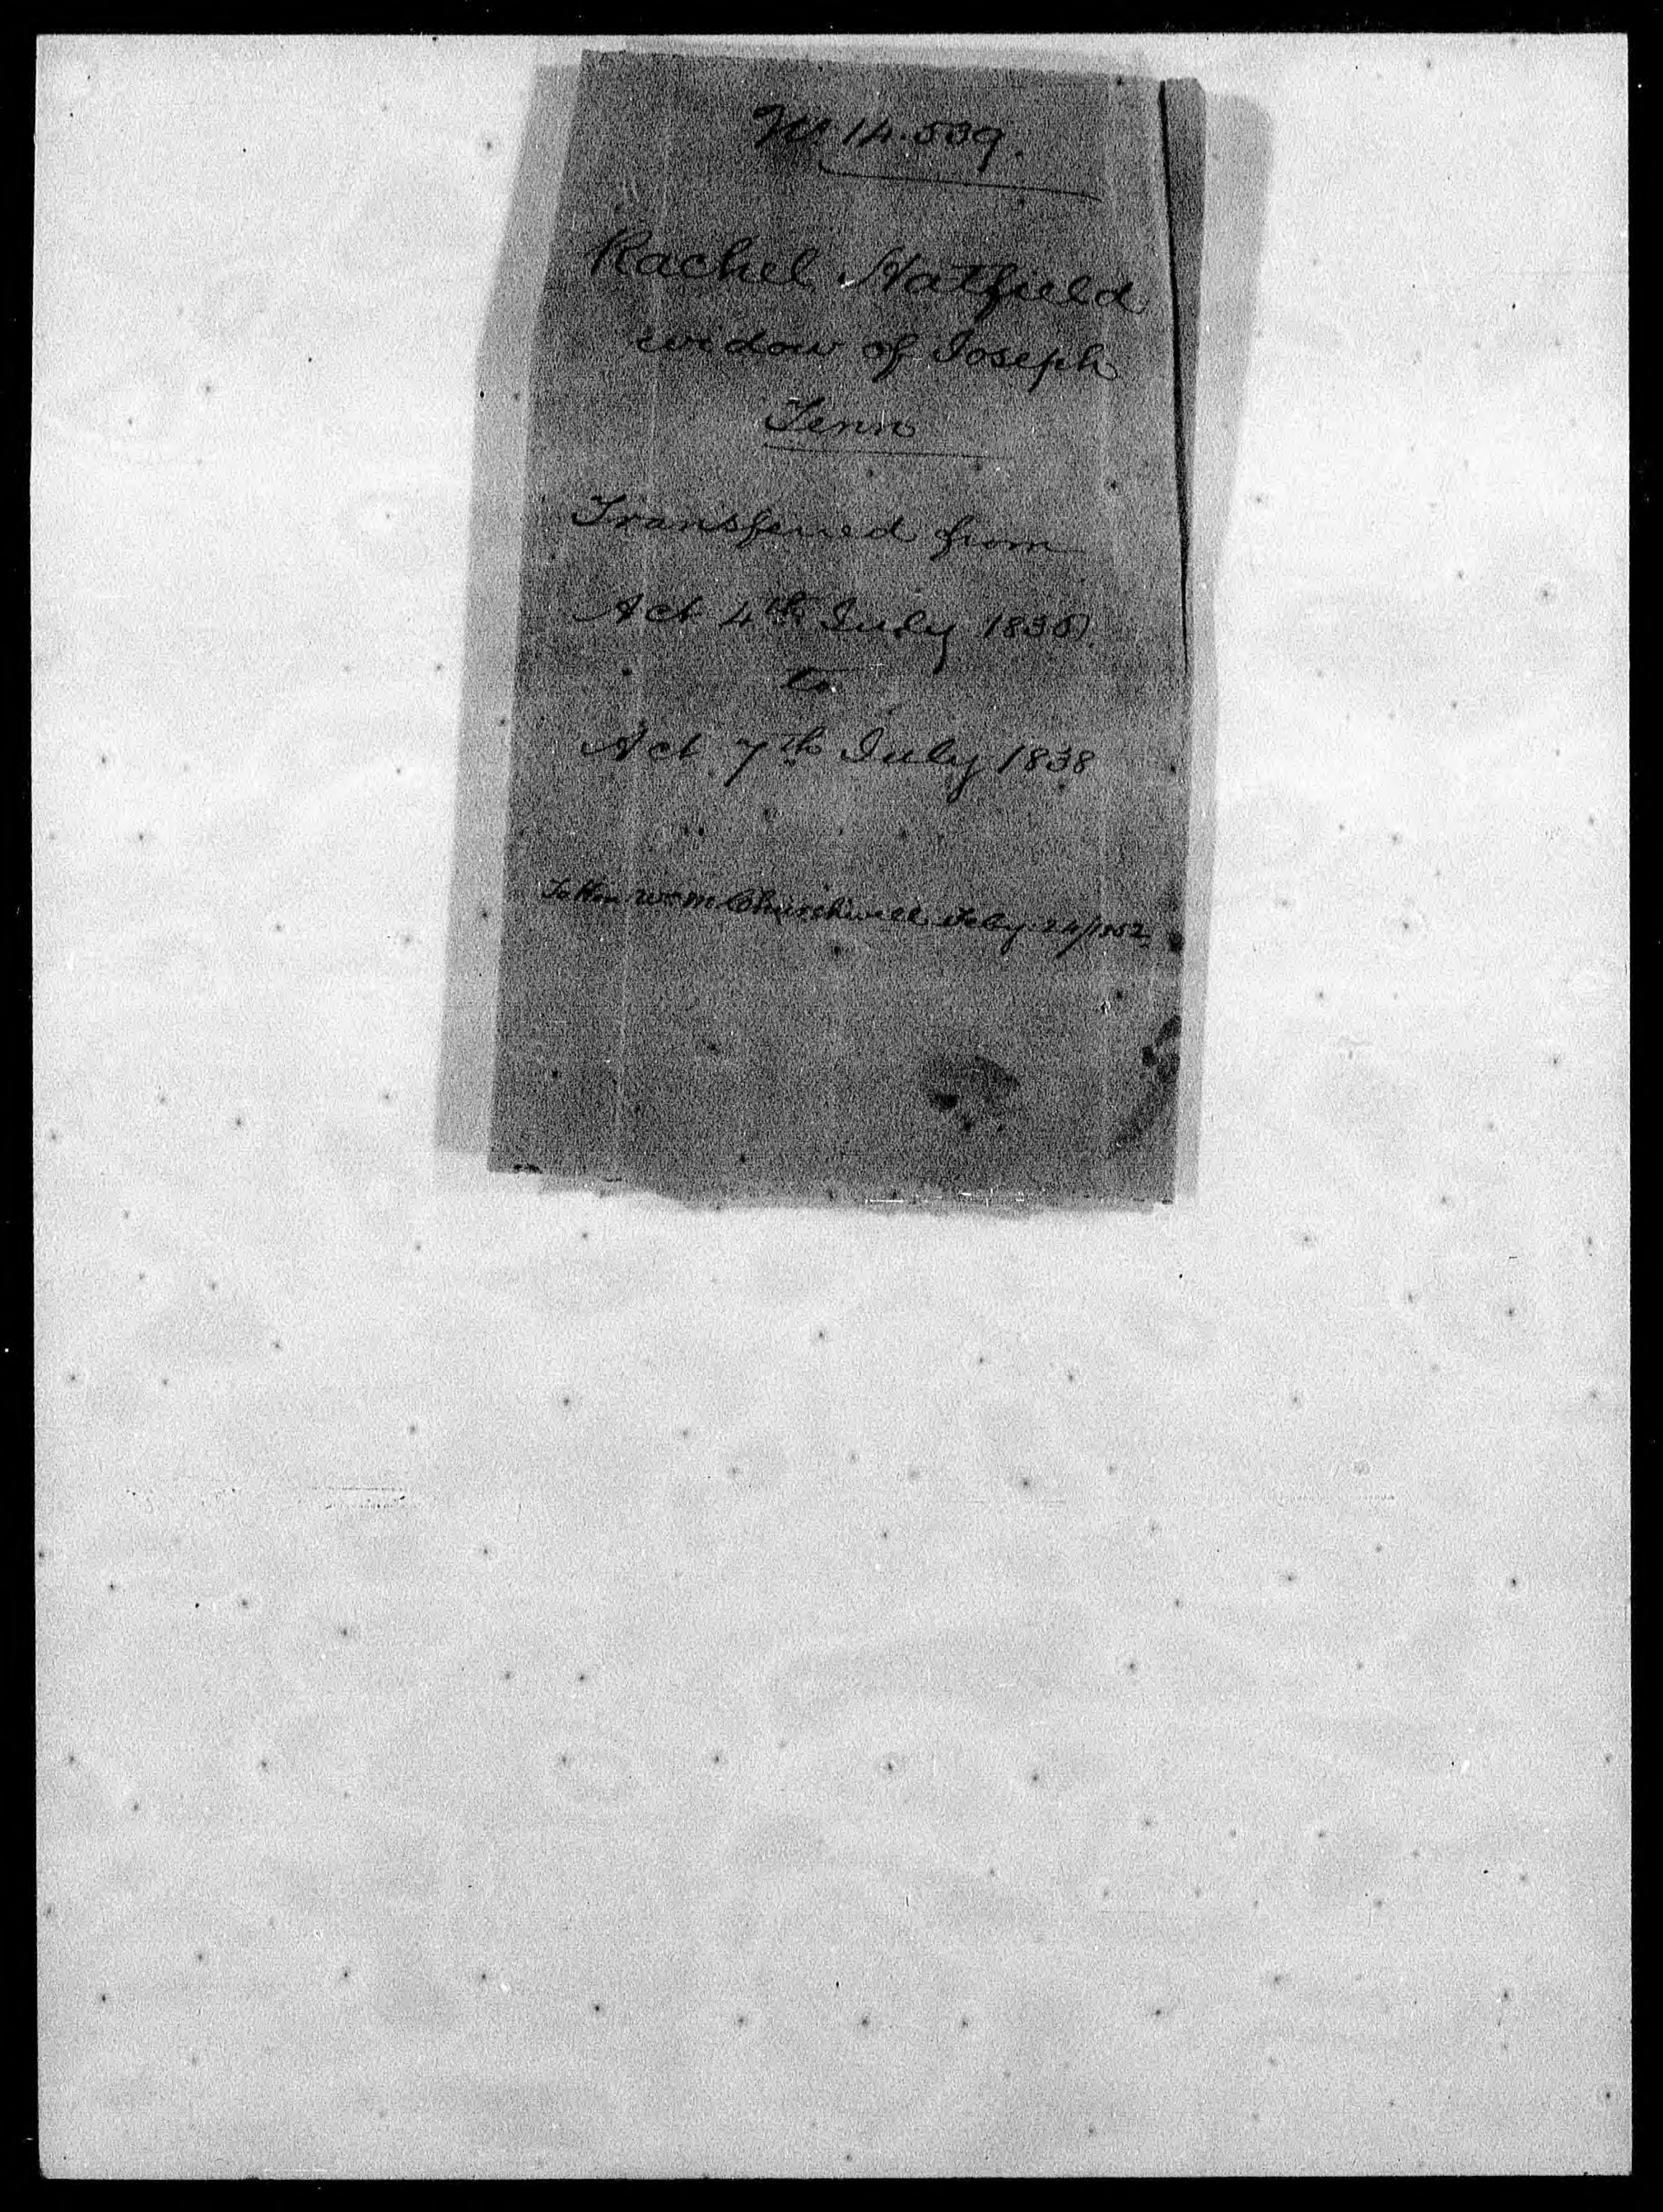No 14,539.
Rachel Hatfield
widow of Joseph
Tenn
Transferred from
Act 4th July 1835.
to
Act 7th July 1838

ToHon Wm M Churchwell Feby 24/1852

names: Joseph Hatfield, Rachel Hatfield, Wm M Churchwell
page: 35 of 74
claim: widow's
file: W. 5, Joseph Hatfield, Va.